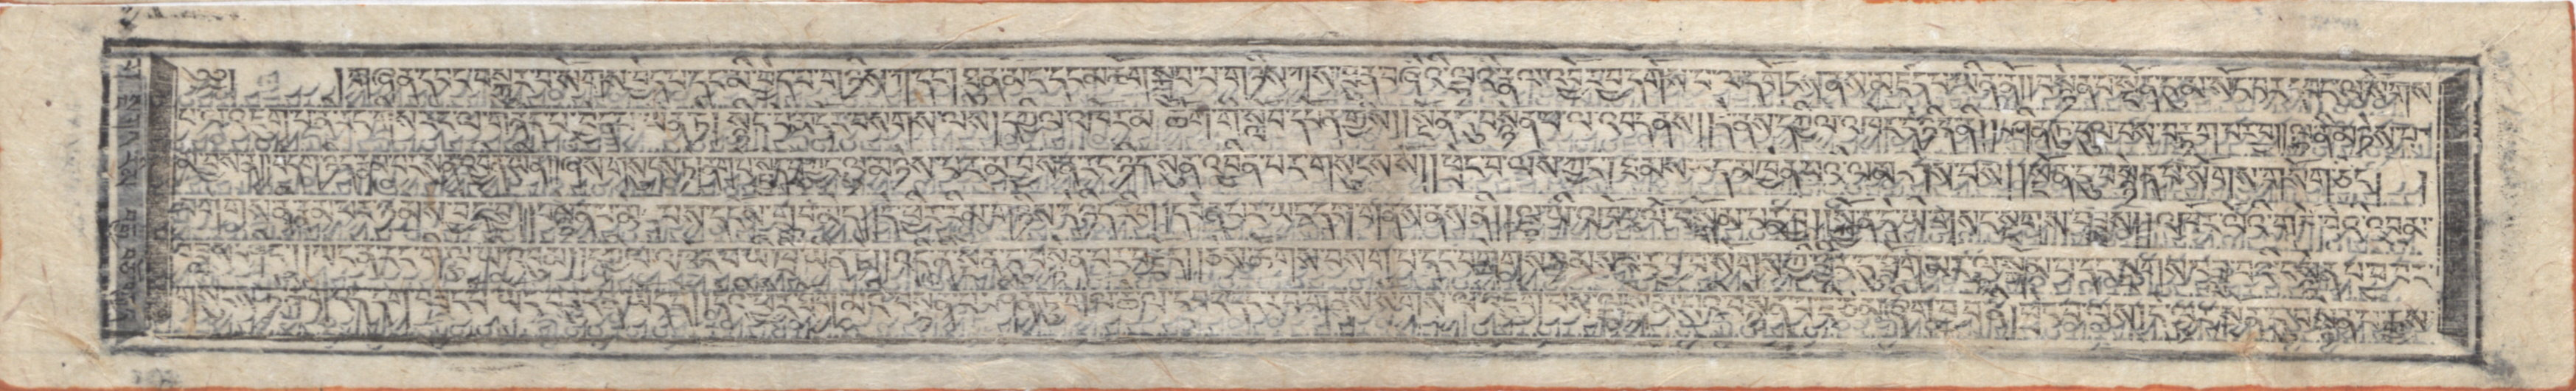༄༅། །གཞན་དབང་བསྐུར་བ་སོགས་བྱེད་པ་དང་མི་བྱེད་པ་གཉིས་ཀ་དང་། ཐུན་མོང་དང་མཆོག་སྒྲུབ་པ་གཉིས་ཀས་ཐུན་བཞིའི་ལྷའི་རྣལ་འབྱོར་བྱ་དགོས་པ་ལ་དགོངས་ནས་མཛད་པ་ཡིན་ནོ། །བསྙེན་པ་སྔོན་དུ་མ་སོང་བར་དབང་ལ་སོགས་
པ་ལ་འཇུག་པ་ནི་རང་གིས་རང་ལ་གནོད་པ་བྱེད་པ་ཡིན་ཏེ། སྙིང་པོ་མདོར་བསགས་ལས། དཀྱིལ་འཁོར་མཆོག་གི་སློབ་དཔོན་གྱིས། །སྔོན་དུ་བསྙེན་པ་ལ་འབད་ནས། །དེ་ནས་དཀྱིལ་འཁོར་དེ་ཉིད་ནི། །ཤིན་ཏུ་དུལ་བས་བརྟག་པར་བྱ། །ལྷ་ནི་མཉེས་པར་
མ་བྱས་ན། །བདག་ཉིད་རྣམ་པར་སུན་འབྱིན་ཡིན། །ཞེས་གསུངས་ཏེ། ནག་པོ་སྤྱོད་པས་ཀྱང་ལྷ་མཉེས་པར་མ་བྱས་ན་རང་ཉིད་སུན་འབྱིན་པར་གསུངས་སོ། །ཕྲེང་བ་ལས་ཀྱང་། ཐམས་ཅད་མཁྱེན་པའི་ལམ་ཤེས་པས། །སྔོན་དུ་བསྙེན་པ་སོགས་གསོག་ཅིང་། །
བགེགས་ནི་རྣམ་པར་ཉམས་བྱེད་བྱ། །བསྙེན་པ་མེད་པས་དངོས་གྲུབ་མེད། །དེ་ཕྱིར་རིམ་གཉིས་དེ་ཉིད་རིག །དབེན་པར་ཡང་དག་གནས་ནས་ནི། །ལྷ་ཡི་འཁོར་ལོ་བསྒོམ་པར་བྱ། །སྐྱོན་དེ་ཡི་གསང་སྔགས་བཟླས། །འཁོར་ལོའི་གཙོ་བོའི་འབུམ་
བཟླས་ཤིང་། །ཡང་ན་རང་གི་ལྷ་ཡི་འབུམ། །དཀྱིལ་འཁོར་བ་ཡི་ཁྲི་ཡིན་ཏེ། །འདི་ནི་སྔོན་དུ་བསྙེན་པར་བརྗོད། །ཅེས་ཚོགས་བསག་པ་དང་བགེགས་ཉམས་པར་བྱ་བ་སོགས་ཀྱི་ཕྱིར་དུ་ཐོག་མར་ལྷ་སྐོམ་པ་དང་སྔགས་བཟླ་བའི་བསྙེན་པ་བྱ་བར་
གསུངས་ཏེ་ཚིག་འདི་དག་བཟང་པོ་ཡོང་བཟུང་ན་ཡོད་དོ། །དེའི་ཕྱིར་ཐོག་མའི་བསྙེན་པ་ཤིན་ཏུ་གལ་ཆེ་ལ་དབང་དང་རབ་གནས་སོགས་ལ་འཇུག་པས་ལྷ་སྒོམ་པའི་བསྙེན་པ་ཇི་ཙམ་ཞིག་བྱ་བ་ནི། ཕྲེང་བ་ལས། དེ་ལྟར་སྔོན་དུ་བསྙེན་པ་རྒྱས་